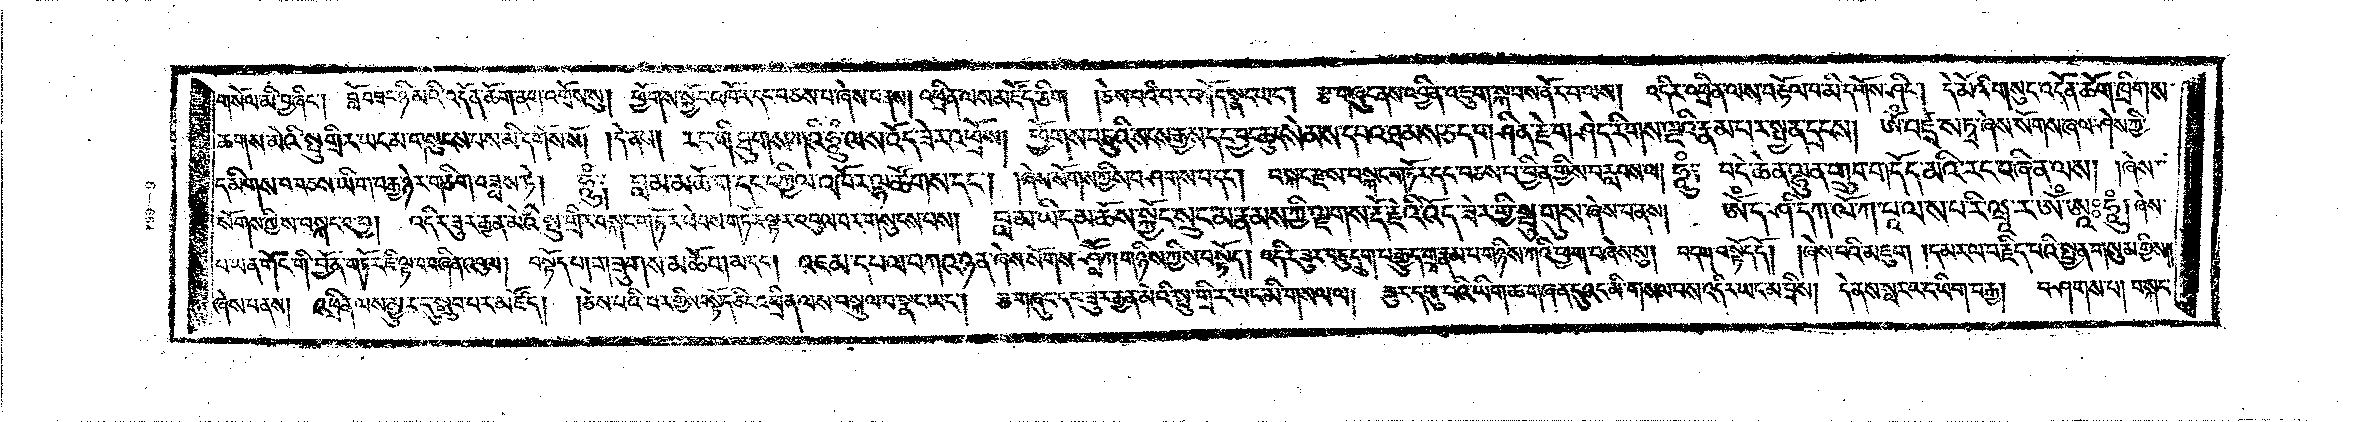གསོལ་མི་བྱ་ཞིང་། བློ་བཟང་ཉི་མའི་འདོན་ཆོག་ནག་འགྲོས་སུ། ཕྱོགས་སྐྱོང་འཁོར་དང་བཅས་པ་ཞེས་པ་ནས། འཕྲིན་ལས་མཛོད་ཅིག །ཅེས་བའི་པར་བཀོད་སྣང་ཡང་། རྩ་གཞུང་ནས་འབྱིན་འཇུག་སྐབས་ནོར་བ་ལས། འདིར་འཕྲིན་ལས་བརྟོལ་པ་མི་དགོས་ཤིང་། དེ་མོའི་གསུང་འདོན་ཆོག་ཁྲིགས་
ཆགས་མེའི་སྤུ་གྲིར་ཡང་མ་གསུངས་པས་མི་དགོས་སོ། །དེ་ནས། རང་གི་ཐུགས་ཀའི་ཧཱུཾ་ལས་འོད་ཟེར་འཕྲོས། ཕྱོགས་བཅུའི་སངས་རྒྱས་དང་བྱང་ཆུབ་སེམས་དཔའ་ཐམས་ཅད་གཤིན་རྗེ་གཤེད་རིགས་ལྔའི་རྣམ་པར་སྤྱན་དྲངས། ཨོཾ་བཛྲ་སཏྭ་ཞེས་སོགས་ཞལ་ཤེས་ཀྱི་
དམིགས་བ་བཅས་ཡིག་བརྒྱ་ཉེར་གཅིག་བཟླས་ཏེ། ཧཱུཾ༑ བླ་མ་མཆོག་དང་དཀྱིལ་འཁོར་ལྷ་ཚོགས་དང་། །ཞེས་སོགས་ཀྱིས་བཤགས་པ་དང་། བསྐང་རྫས་བསྐང་གཏོར་དག་བཅས་པ་བྱིན་གྱི་བརླབས་ལ།  ཧཱུཾ༑ བདེ་ཆེན་ལྷུན་གྲུབ་གདོད་མའི་རང་བཞིན་ལས། །ཞེས་
སོགས་ཀྱིས་བསྐང་བ་བྱ། འདིར་ཟུར་རྒྱན་མེའི་སྤུ་གྲིར་བསྐང་གཏོར་ཕེབས་གཏོར་ལྟར་འབུལ་བར་གསུངས་པས། བླ་མ་ཡི་དམ་ཆོས་སྐྱོང་སྲུང་མ་རྣམས་ཀྱི་ལྗགས་རྡོ་རྗེའི་འོད་ཟེར་གྱི་སྦུ་གུས་ཞེས་པ་ནས།  ཨོཾ་ད་ཤི་དཀ་ལོ་ཀ་པཱ་ལ་ས་པ་རི་ཝཱ་ར་ཨོཾ་ཨཱཿཧཱུཾ། ཞེས་
པ་ཡན་གོང་གི་བྱོན་གཏོར་ཇི་ལྟ་བ་བཞིན་འབུལ། བསྟོད་པ། གཟུགས་མཆོག་མ་དང་། འཇམ་དཔལ་བཀའ་ཉན་ཞེས་སོགས་ཤོལོཀ་གཉིས་ཀྱིས་བསྟོད། འདིར་ཟུར་བཅུ་དྲུག་པ་རྒྱུད་གྲྭ་རྣམ་པ་གྱིས་ཀའི་ཕྱག་བཞེས་སུ། བདག་བསྟོད་དོ། །ཞེས་པའི་མཇུག །དམར་ལ་བརྗིད་པའི་སྤྱན་གསུམ་གྱིས།
ཞེས་པ་ནས། འཕྲིན་ལས་མྱུར་དུ་སྒྲུབ་པར་མཛོད། །ཅེས་པའི་བར་གྱིས་བསྟོད་ཅིང་འཕྲིན་ལས་བསྐུལ་བ་ནང་ཡང་། རྩ་གཞུང་དང་ཟུར་རྒྱན་མེའི་སྤུ་གྲིར་ཡང་མི་གསལ་ལ། ཟུར་དགུ་བའི་ཡི་ཆ་གཞན་དུ་འང་མི་གསལ་བས་འདིར་ཡང་མ་བྲིས། དེ་ནས་སླར་ཡང་ཡིག་བརྒྱ། བཤགས་པ། བསྐང་